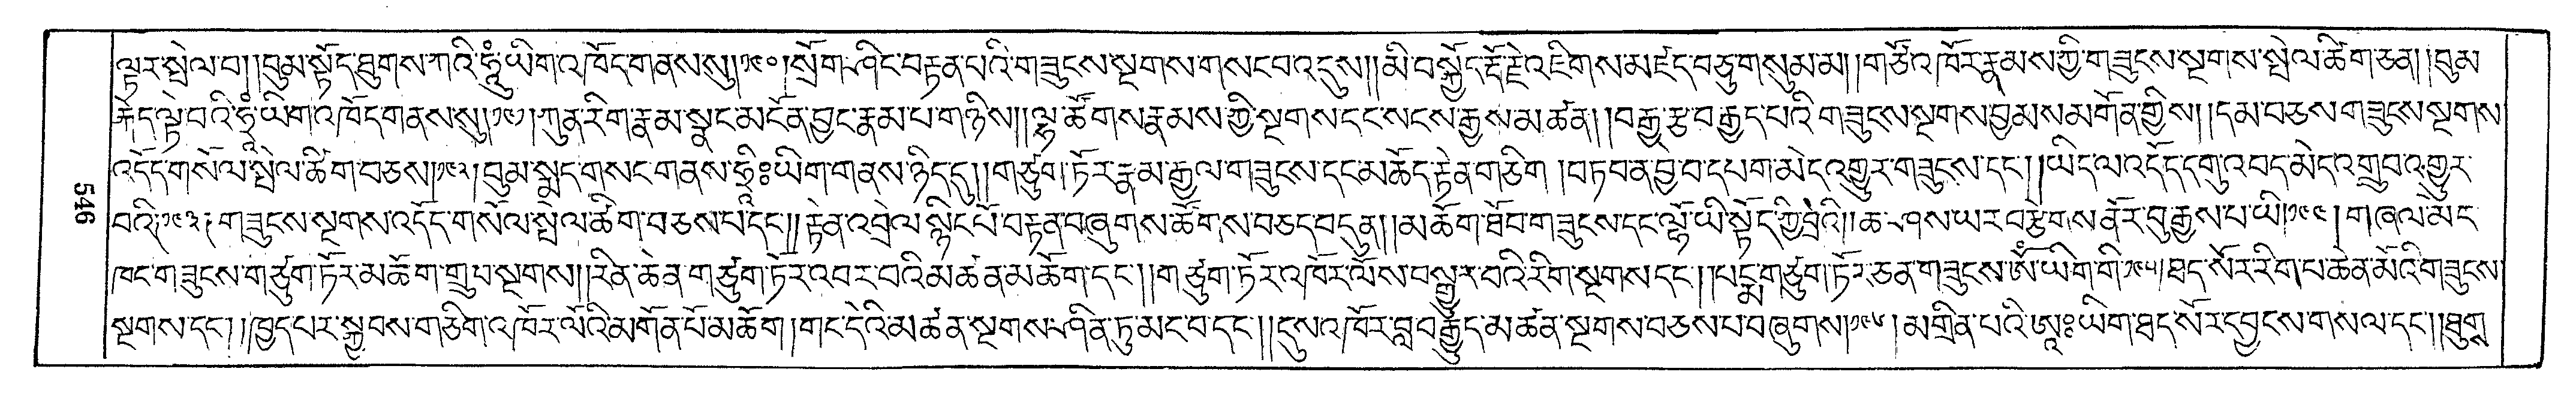ལྟར་སྤེལ་བ། །བུམ་སྟོད་ཐུགས་ཀའི་ཧཱུཾ་ཡིག་འཁོད་གནས་སུ། ༡༤༠་།སྲོག་ཤིང་བརྟན་པའི་གཟུངས་སྔགས་གསང་བ་འདུས། །མི་བསྐྱོད་རྡོ་རྗེ་འཇིགས་མཛད་བཅུ་གསུམ་མ། །གཙོ་འཁོར་རྣམས་ཀྱི་གཟུངས་སྔགས་སྤེལ་ཚིག་ཅན། །བུམ་
རྐེད་ལྟེ་བའི་ཏྲཱཾ་ཡིག་འཁོད་གནས་སུ། ༡༤༡་།ཀུན་རིག་རྣམ་སྣང་མངོན་བྱང་རྣམ་པ་གཉིས། །ལྷ་ཚོགས་རྣམས་ཀྱི་སྔགས་དང་སངས་རྒྱ་མཚན། །བརྒྱ་རྩ་བརྒྱད་པའི་གཟུངས་སྔགས་བྱམས་མགོན་གྱིས། །དམ་བཅས་གཟུངས་སྔགས་
འདོད་གསོལ་སྤེལ་ཚིག་བཅས། ༡༤༢་།བུམ་སྨད་གསང་གནས་ཧྲཱིཿ ཡིག་གནས་ཉིད་དུ། །གཙུག་གཏོར་རྣམ་རྒྱལ་གཟུངས་དང་མཆོད་རྟེན་གཅིག །བཏབ་ན་བྱེ་བ་དཔག་མེད་འགྱུར་གཟུངས་དང་། །ཡིད་ལ་འདོད་དགུ་འབད་མེད་འགྲུབ་འགྱུར་
པའི༑ ༡༤༣༑ གཟུངས་སྔགས་འདོད་གསོལ་སྤེལ་ཚིག་བཅས་པ་དང་། །རྟེན་འབྲེལ་སྙིང་པོ་བརྟན་བཞུགས་ཚིགས་བཅད་བདུན། །མཆོག་ཐོབ་གཟུངས་དང་ལྷོ་ཡི་སྟོད་ཀྱི་བྲེའི། །ཆ་ཤས་ཡར་བརྩེགས་ནོར་བུ་རྒྱས་པ་ཡི། །༡༤༤་།གཞལ་མེད་
ཁང་གཟུངས་གཙུག་ཏོར་མཆོག་གྲུབ་སྔགས། །རིན་ཆེན་གཙུག་ཏོར་འབར་བའི་མཚན་མཆོག་དང་། །གཙུག་ཏོར་འཁོར་ལོས་བསྒྱུར་བའི་རིག་སྔགས་དང་། །པདམ་གཙུག་ཏོར་ཅན་གཟུངས་ཨོཾ་ཡིག་གི ༡༤༥་།ཐད་སོར་རིག་པ་ཆེན་མོའི་གཟུངས་
སྔགས་དང་། །ཁྱད་པར་སྐྱབས་གཅིག་འཁོར་ལོའི་མགོན་པོ་མཆོག། །གང་དེའི་མཚན་སྔགས་ཤིན་ཏུ་མང་བ་དང་། །དུས་འཁོར་བླ་བརྒྱུད་མཚན་སྔགས་བཅས་པ་བཞུགས། ༡༤༦་།མགྲིན་པའི་ཨཱཿ ཡིག་གྠད་སོར་དབྱངས་གསལ་དང་། །ཐུགས་